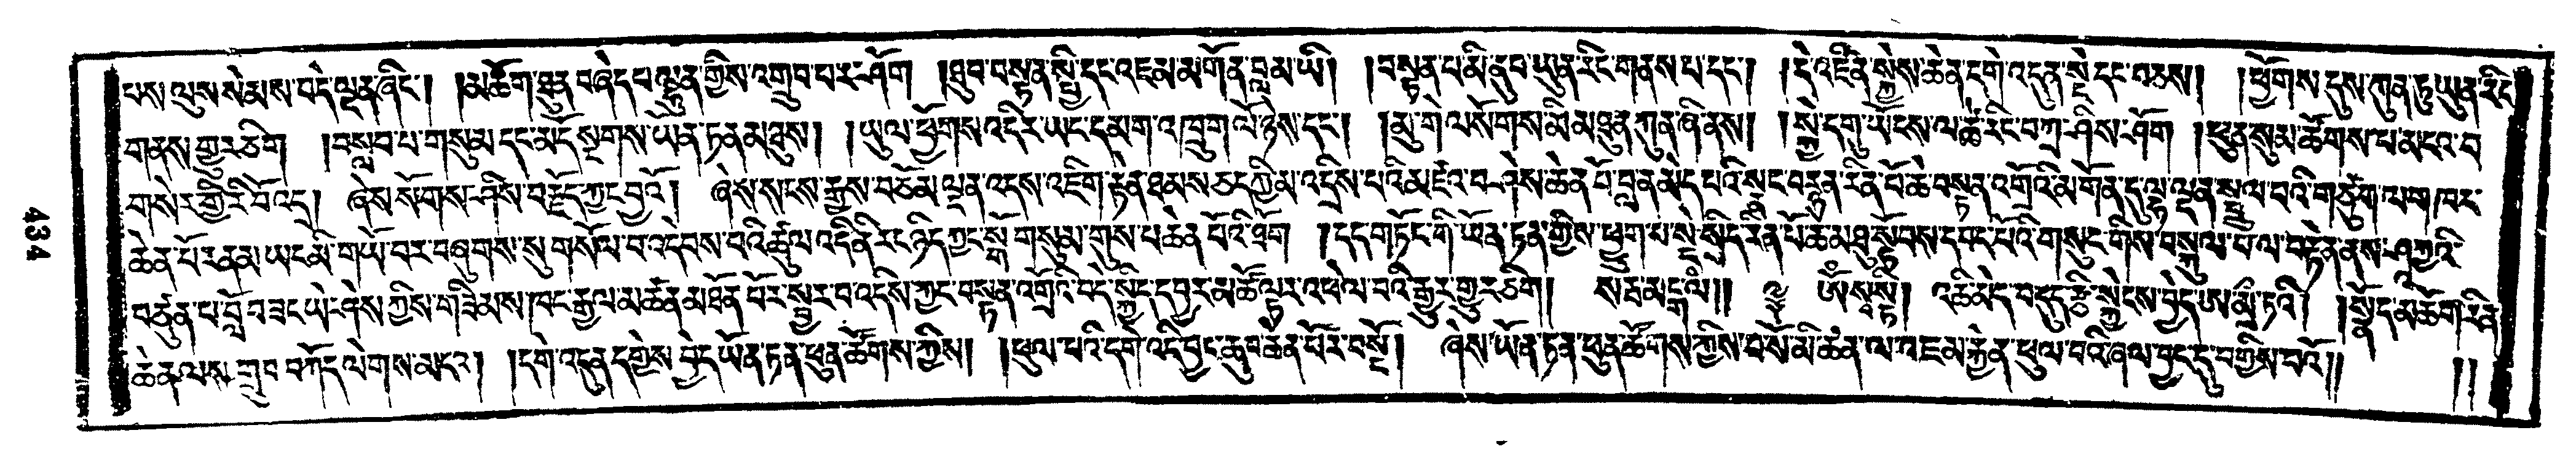པས་ལུས་སེམས་བདེ་ལྡན་ཞིང་། །མཆོག་ཐུན་བཞེད་པ་ལྷུན་གྱིས་འགྲུབ་པར་ཤོག །ཐུབ་བསྟན་སྤྱི་དང་འཇམ་མགོན་བླ་མ་ཡི། །བསྟན་པ་མི་ནུབ་ཡུན་རིང་གནས་པ་དང་། །དེ་འཛིན་སྐྱེས་ཆེན་དགེ་འདུན་སྡེ་དང་བཅས། །ཕྱོགས་དུས་ཀུན་ཏུ་ཡུན་རིང་
གནས་གྱུར་ཅིག །བསླབ་པ་གསུམ་དང་མདོ་སྔགས་ཡོན་ཏན་མཐུས། །ཡུལ་ཕྱོགས་འདིར་ཡང་དམག་འཁྲུག་ལོ་ཉེས་དང་། །མུ་གེ་ལ་སོགས་མི་མཐུན་ཀུན་ཞི་ནས། །སྐྱེ་དགུ་ཡོངས་ལ་ཚེ་རིང་བཀྲ་ཤིས་ཤོག །ཕུན་སུམ་ཚོགས་པ་མངའ་བ་
གསེར་གྱི་རི་བོ་འདྲ། ཞེས་སོགས་ཤིས་བརྗོད་ཀྱང་བྱའོ། ཞེས་སངས་རྒྱས་བཅོམ་ལྡན་འདས་འཇིག་རྟེན་ཐམས་ཅད་ཀྱི་མ་འདྲིས་པའི་མཛའ་བཤེས་ཆེན་པོ་བླ་ན་མེད་པའི་སྣང་བརྙན་རིན་པོ་ཆེ་བསྟན་འགྲོའི་མགོན་དུ་ལྷ་ལྡན་སྤྲུལ་བའི་གཙུག་ལག་ཁར་
ཆེན་པོར་ནམ་ཡང་མི་གཡོ་བར་བཞུགས་སུ་གསོལ་བ་འདེབས་བའི་ཚུལ་འདི་ནི་རང་ཉིད་ཀྱང་སྒོ་གསུམ་གུས་པ་ཆེན་པོའི་ཐོག །དད་གཏོང་གི་ཡོན་ཏན་གྱིས་ཕྱུག་པ་སྡེ་སྲིད་རིན་པོ་ཆེ་མཐུ་སྟོབས་དབང་པོའི་གསུང་གིས་བསྐུལ་པ་ལ་བརྟེན་ནས་ཤཱཀྱའི་
བཙུན་པ་བློ་བཟང་ཡེ་ཤེས་ཀྱིས་གཟིམས་ཁང་རྒྱལ་མཚན་མཐོན་པོར་སྦྱར་བ་འདིས་ཀྱང་བསྟན་འགྲོའི་བདེ་སྐྱིད་དབྱར་མཚོ་ལྟར་འཕེལ་བའི་རྒྱུར་གྱུར་ཅིག། སརྦ་མངྒ་ལཾ།། ༈ ཨོཾ་སྭསྟི། འཆི་མེད་བདུད་རྩི་སྐྱེངས་བྱེད་ཨ་མྲྀ་ཏའི། །སྣོད་མཆོག་རིན་
ཆེན་ལས་གྲུབ་བཀོད་ལེགས་མངའ། །དགེ་འདུན་དགྱེས་བྱེད་ཡོན་ཏན་ཕུན་ཚོགས་ཀྱིས། །ཕུལ་པའི་དགེ་འདི་བྱང་ཆུབ་ཆེན་པོར་བསྔོ། ཞེས་ཡོན་ཏན་ཕུན་ཚོགས་ཀྱིས་བ་སོ་མི་ཚན་ལ་འཇམ་རྐྱེན་ཕུལ་བའི་ཞལ་བྱང་དུ་བགྱིས་བའོ།། །།